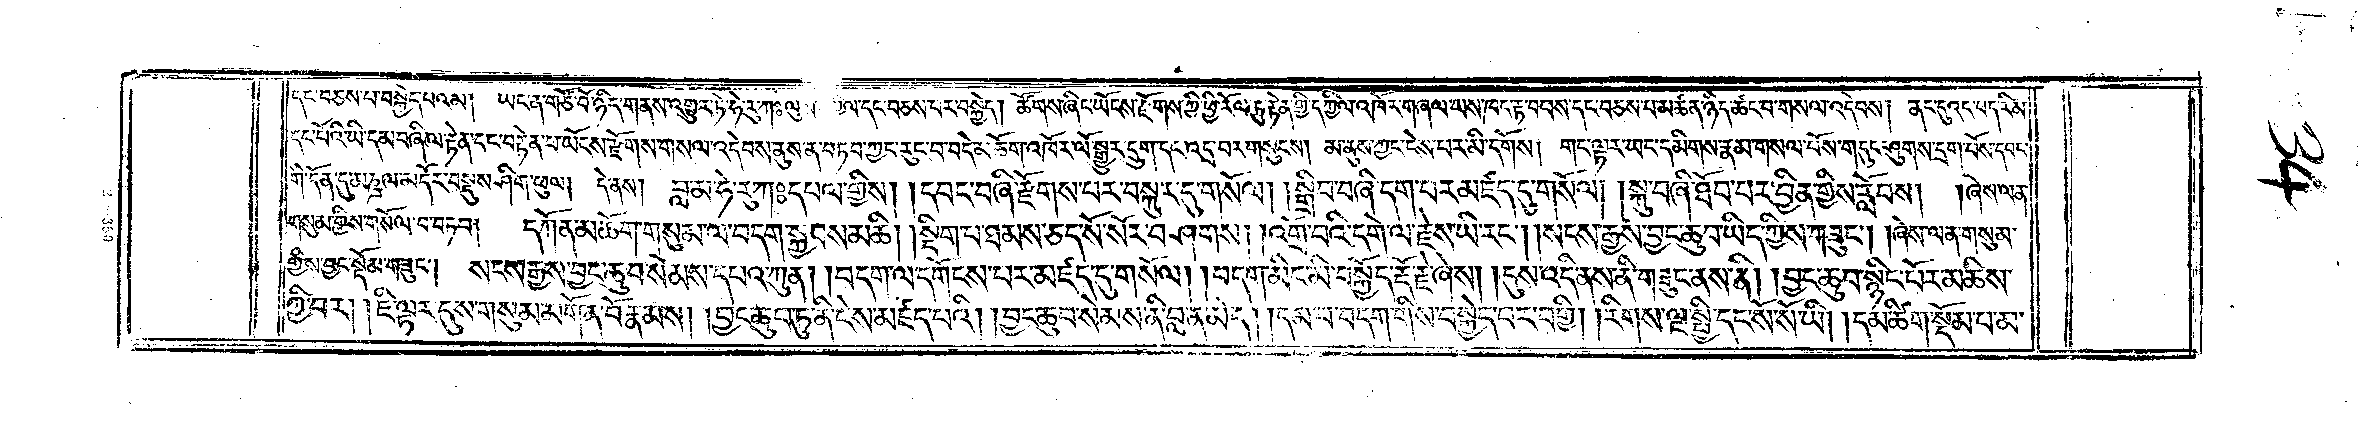དང་བཅས་པ་བསྐྱེད་པའམ༑ ཡང་ན་གཙོ་བོ་ཉིད་གནས་འགྱུར་ཏེ་ཧེ་རུ་ཀཿལུས་དཀྱིལ་དང་བཅས་པར་བསྐྱེད། ཚོགས་ཞིང་ཡོངས་རྫོགས་ཀྱི་ཕྱི་རོལ་ཏུ་རྟེན་གྱི་དཀྱིལ་འཁོར་གཞལ་ཡས་ཁང་རྟ་བབས་དང་བཅས་པ་མཚན་ཉིད་ཚང་བ་གསལ་འདེབས། ནང་དུའང་པད་རིམ་
དང་པོའི་ཡི་དམ་བཞི་ལ་རྟེན་དང་བརྟེན་པ་ཡོངས་རྫོགས་གསལ་འདེབས་ནུས་ན་བཏབ་ཀྱང་རུང་བ་བདེ་མཆོག་འཁོར་ལོ་སྒྱུར་དྲུག་དང་འདྲ་པར་གསུངས། མ་ནུས་ཀྱང་ངེས་པར་མི་དགོས། གང་ལྟར་ཡང་དམིགས་རྣམ་གསལ་པོས་གདུང་ཤུགས་དྲག་པོས་དབང་
གི་དོན་དུ་མཎྜལ་མདོར་བསྡུས་ཤིག་ཕུལ། དེ་ནས། བླ་མ་ཧེ་རུ་ཀཿདཔལ་གྱིས། །དབང་བཞི་རྫོགས་པར་བསྐུར་དུ་གསོལ། །སྒྲིབ་བཞི་དག་པར་མཛད་དུ་གསོལ། །སྐུ་བཞི་ཐོབ་པར་བྱིན་གྱིས་རློབས། །ཞེས་ལན་
གསུམ་གྱིས་གསོལ་བ་བཏབ། དཀོན་མཆོག་གསུམ་ལ་བདག་སྐྱབས་མཆི། །སྡིག་པ་ཐམས་ཅད་སོ་སོར་བཤགས། །འགྲོ་བའི་དགེ་ལ་རྗེས་ཡི་རང་། །སངས་རྒྱས་བྱང་ཆུབ་ཡིད་ཀྱིས་གཟུང་། །ཞེས་ལན་གསུམ་
གྱིས་བྱང་སྡོམ་གཟུང་། སངས་རྒྱས་བྱང་ཆུབ་སེམས་དཔའ་ཀུན། །བདག་ལ་དགོངས་པར་མཛད་དུ་གསོལ། །བདག་མིང་མི་བསྐྱོད་རྡོ་རྗེ་ཞེས། །དུས་འདི་ནས་ནི་གཟུང་ནས་ནི། །བྱང་ཆུབ་སྙིང་པོར་མཆིས་
ཀྱི་བར། །ཇི་ལྟར་དུས་གསུམ་མགོན་པོ་རྣམས། །བྱང་ཆུབ་ཏུ་ནི་ངེས་མཛད་པའི། །བྱང་ཆུབ་སེམས་ནི་བླ་ན་མེད། །དམ་པ་བདག་གིས་བསྐྱེད་པར་བགྱི། །རིགས་ལྔ་སྤྱི་དང་སོ་སོ་ཡི། །དམ་ཚིག་སྡོམ་པ་མ་